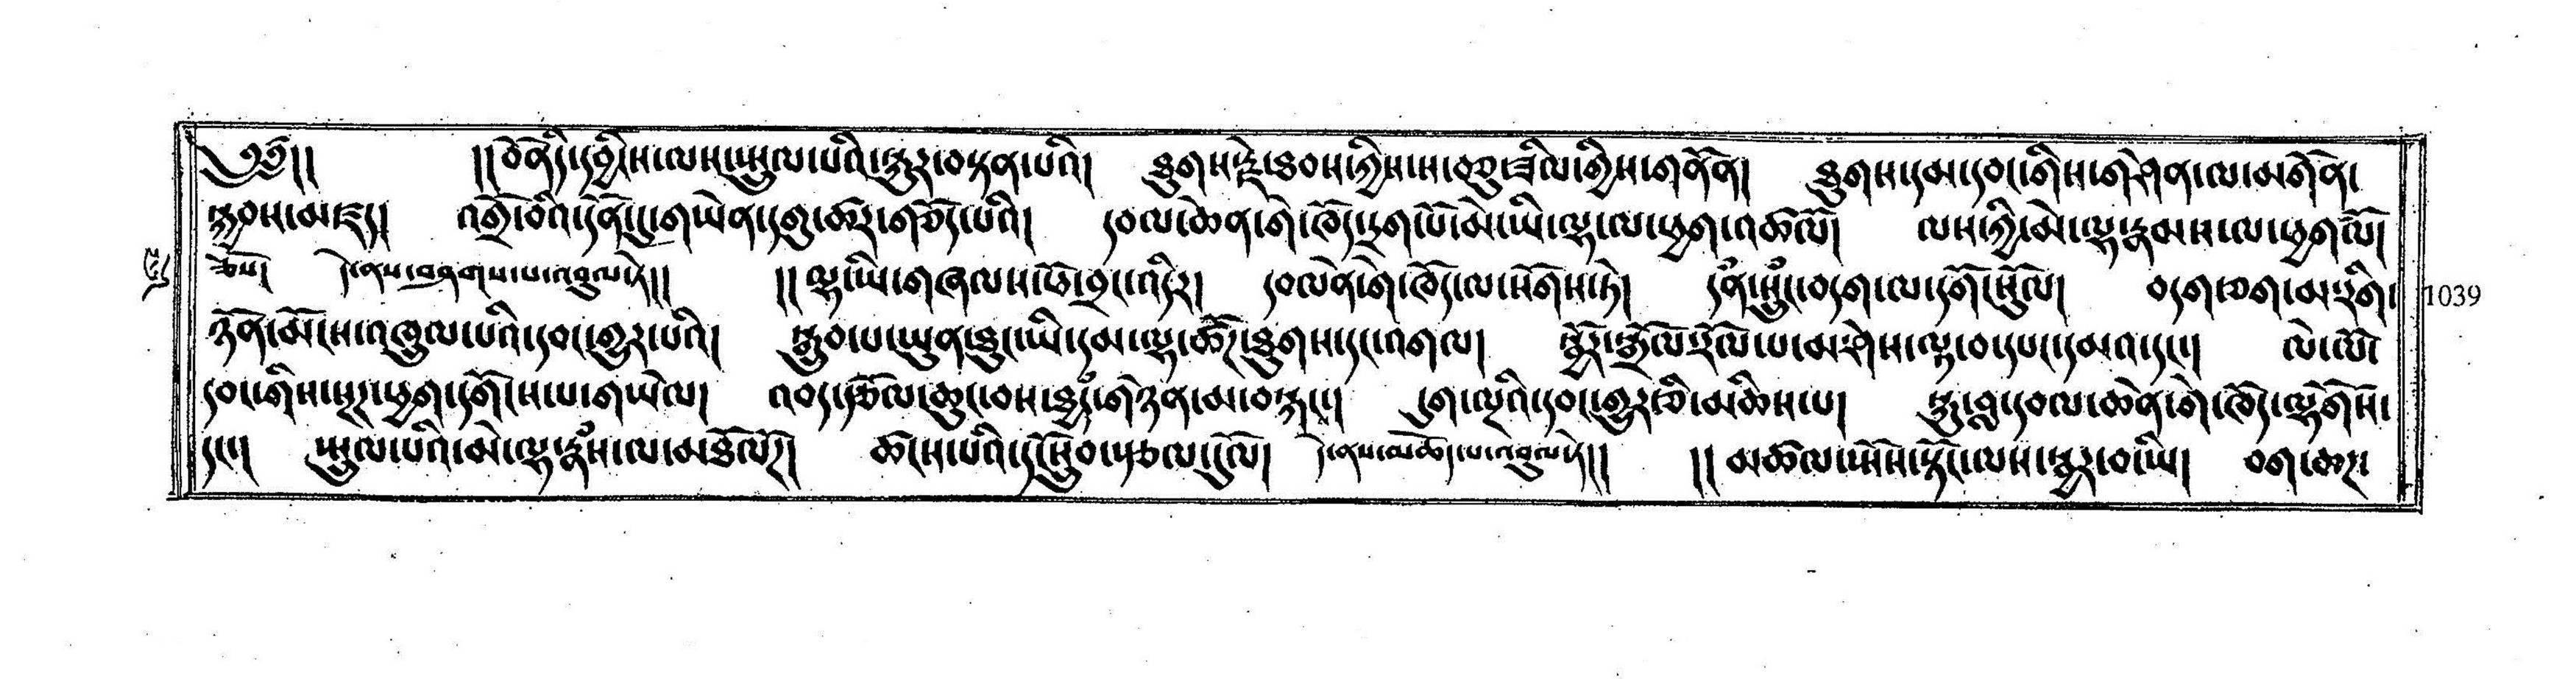།།བོན་ཉིད་དབྱིངས་ལས་སྤྲུལ་པའི་སྐུར་བསྟན་པའི། ཐུགས་རྗེ་ཐབས་ཀྱིས་ས་བཅུ་ཟིལ་གྱིས་གནོན། ཐུགས་དམ་དབང་གིས་གཤེན་ལ་མགོན་
སྐྱབས་མཛད། འགྲོ་བའི་དོན་དུ་གཡེན་དགུ་ཚར་གཅོད་པའི། དབལ་ཆེན་གེ་ཁོད་དྲག་པོ་མེ་ཡི་ལྷ་ལ་ཕྱག་འཚལ་ལོ། ལས་ཀྱི་མེ་ལྷ་རྣམས་ལ་ཕྱག་འཚལ་ལོ། 
ཅེས་སོ། དེ་ནས་བཤགས་པ་འབུལ་ཏེ།། །།ལྷ་ཡི་གཞལ་ཡས་ཕོ་བྲང་འདིར། དབལ་ཆེན་གེ་ཁོད་ལ་སོགས་ཏེ། དམ་ཅན་སྲུང་མ་བདག་ལ་དགོངས་སུ་གསོལ། བདག་ཅག་མ་རིག་
ཉོན་མོངས་འཁྲུལ་པའི་དབང་གྱུར་པའི། སྒྲུབ་པ་ཡུན་ཐུང་ཡི་དམ་ལྷ་ཚོགས་ཐུགས་དང་འགལ། སྦྱོར་སྒྲོལ་རོལ་པ་མ་ཤེས་ལྟ་བ་དཔང་དམའ་དང་། ལེ་ལོ་
དབང་གིས་སྔགས་ཕྱག་དགོངས་པ་གཡེལ། འབད་རྩོལ་ཆུང་བས་ཐུགས་དམ་གཉེན་མ་བསྐང་། དུག་ལྔའི་དབང་གྱུར་ཅི་མཆིས་པ། སྐུ་བླ་དབལ་ཆེན་གེ་ཁོད་ལྷ་ཚོགས་
དང་། སྤྲུལ་པའི་མེ་ལྷ་རྣམས་ལ་མཐོལ་ལོ་བཤོགས། ཚངས་པའི་དངོས་གྲུབ་སྩལ་དུ་གསོལ། དེ་ནས་མཆོད་པ་འབུལ་ཏེ། །།མཚལ་སྤོས་སྟོང་ལས་སྦྱར་བ་ཡི། བག་ཆགས་